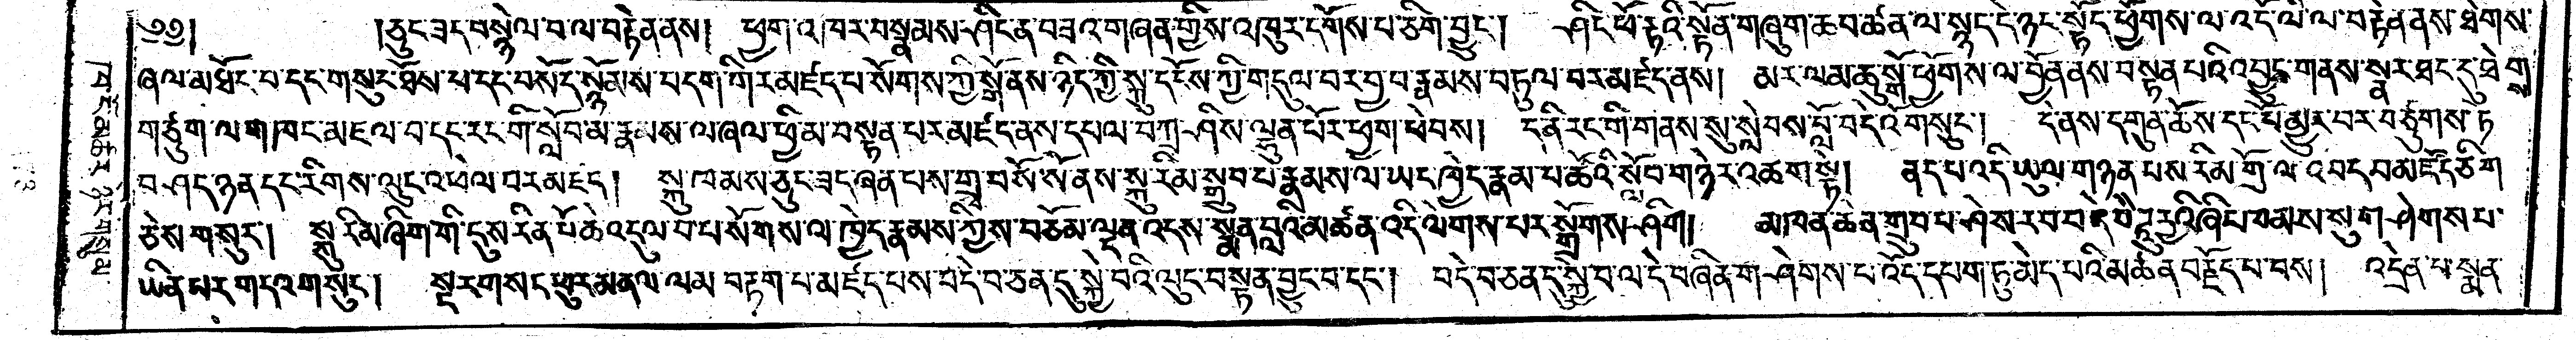༄༅། །ཅུང་ཟད་བསྙེལ་བ་ལ་བརྟེན་ནས། ཕྱག་འཁར་བསྣམས་ཤིང་ན་བཟའ་གཞན་གྱིས་འཁུར་དགོས་པ་ཅིག་བྱུང་། ཤིང་ཕོ་རྟའི་སྟོན་གཞུག་ཆབ་ཚན་ལ་སྙད་དེ་ཉང་སྟོད་ཕྱོགས་ལ་འདོ་ལི་ལ་བརྟེན་ནས་ཐེགས་
ཞལ་མཐོང་པ་དང་གསུང་ཐོས་པ་དང་བསོད་སྙོམས་བདག་གིར་མཛད་པ་སོགས་ཀྱི་སྒོ་ནས་ཉིད་ཀྱི་སྐུ་དངོས་ཀྱི་གདུལ་བར་བྱ་བ་རྣམས་བཏུལ་བར་མཛད་ནས། མར་ལམ་ཆུ་སྒོ་ཕྱོགས་ལ་བྱོན་ནས་བསྟན་པའི་འབྱུང་གནས་སྣར་ཐང་དུ་ཐེགས་
གཙུག་ལག་ཁང་མཇལ་བ་དང་རང་གི་སློབ་མ་རྣམས་ལ་ཞལ་ཕྱི་མ་བསྟན་པར་མཛད་ནས་དཔལ་བཀྲ་ཤིས་ལྷུན་པོར་ཕྱག་ཕེབས། ད་ནི་རང་གི་གནས་སུ་སླེབས་བློ་བདེ་འོ་གསུང་། དེ་ནས་དགུན་ཆོས་དང་པོ་མྱུར་བར་བཙུགས་ཏེ་
བཤད་ཉན་དང་རིགས་ལུང་འཕེལ་བར་མཛད། སྐུ་ཁམས་ཅུང་ཟད་ཞན་པས་གྲྭ་བསོ་སོ་ནས་སྐུ་རིམ་སྒྲུབ་པ་རྣམས་མ་ཡང་ཁྱེད་རྣམ་པ་ཚོའི་སློབ་གཉེར་འཆག་སྟེ། ནད་པ་འདི་ཡུལ་གཉན་པས་རིམ་གྲོ་ལ་འབད་བ་མཛོད་ཅིག་
ཅེས་གསུང་། སྐུ་རིམ་ཞིག་གི་དུས་རིན་པོ་ཆེ་འདུལ་བ་པ་སོགས་ལ་ཁྱེད་རྣམས་ཀྱིས་བཅོམ་ལྡན་འདས་སྨན་བླའི་མཚན་འདི་ལེགས་པར་སྒྲོགས་ཤིག། མཁན་ཆེན་གྲུབ་པ་ཤེས་རབ་བདེ་བཻ་ཌཱུའི་ཞིབ་ཁམས་སུ་གཤེགས་པ་
ཡིན་པར་གདའ་གསུང་། སྔར་གསང་ཕུར་མནལ་ལམ་བརྟག་པ་མཛད་པས་བདེ་བ་ཅན་དུ་སྐྱེ་བའི་ལུང་བསྟན་བྱུང་བ་དང་། བདེ་བ་ཅན་དུ་སྐྱེ་བ་ལ་དེ་བཞིན་གཤེགས་པ་འོད་དཔག་ཏུ་མེད་པའི་མཚན་བརྗོད་པ་བས། འདྲེན་པ་སྨན་